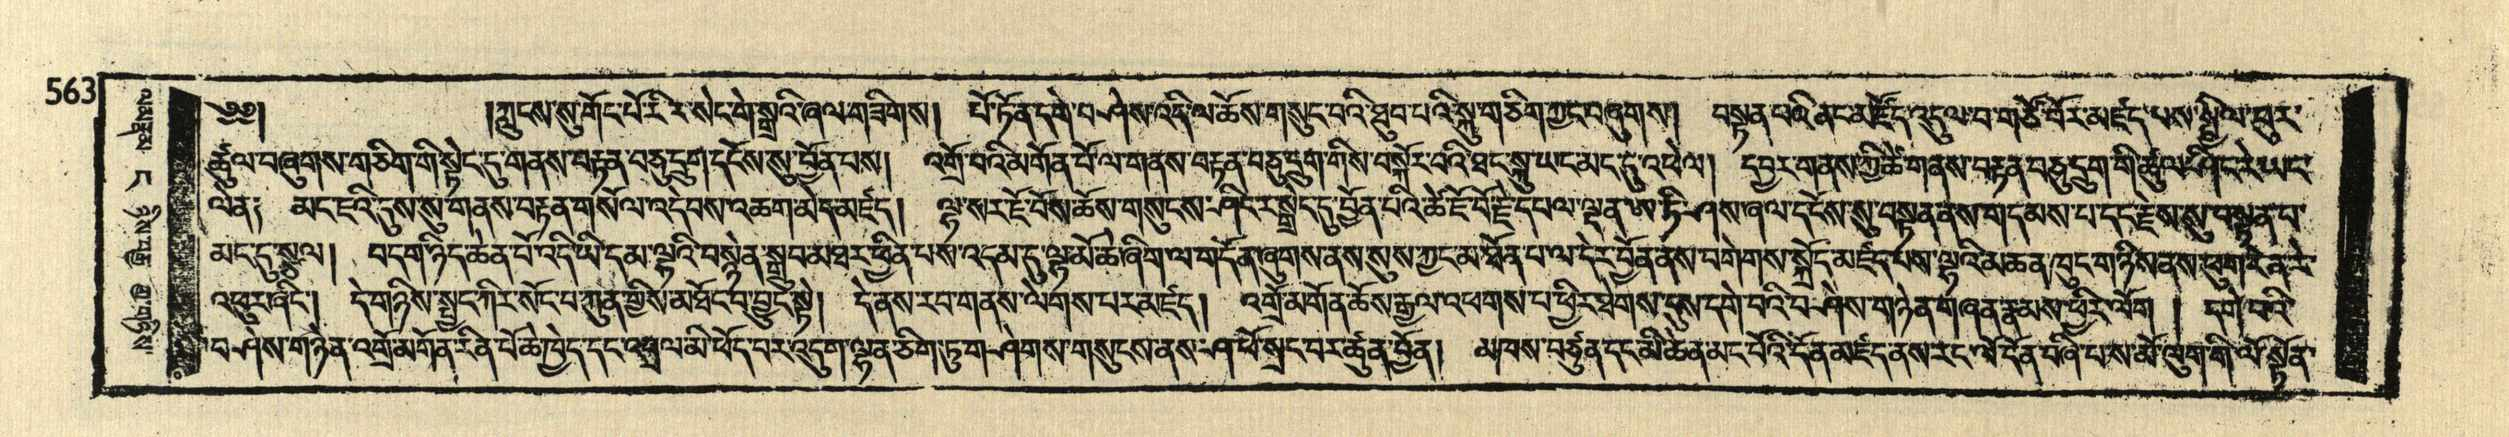༄༅། །ཀླུངས་སུ་གོང་པོ་རིར་སེང་གེ་སྒྲའི་ཞལ་གཟིགས། པོ་ཏོ་ན་དགེ་བཤེས་འདི་ལ་ཆོས་གསུང་བའི་ཐུབ་པའི་སྐུ་གཅིག་ཀྱང་བཞུགས། བསྟན་པའི་ནང་མཛོད་འདུལ་བ་གཙོ་བོར་མཛད་པས་སྤྱིལ་བུར་
ཚུལ་བཞུགས་གཅིག་གི་སྟེང་དུ་གནས་བརྟན་བཅུ་དྲུག་དངོས་སུ་བྱོན་པས། འགྲོ་བའི་མགོན་པོ་ལ་གནས་བརྟན་བཅུ་དྲུག་གིས་བསྐོར་བའི་ཐང་སྐུ་ཡང་མང་དུ་འཕེལ། དབྱར་གནས་ཀྱི་ཚེ་གནས་བརྟན་བཅུ་དྲུག་གི་ཚུལ་ཤིང་རེ་ཡང་
ལེན༑ མང་ཇའི་དུས་སུ་གནས་བརྟན་གསོལ་འདེབས་འཆག་མེད་མཛད། ལྷ་སར་ཇོ་བོས་ཆོས་གསུངས་ཤིང་ར་སྒྲེང་དུ་བྱོན་པའི་ཚེ་ཇོ་བོ་རྗེ་དཔལ་ལྡན་ཨ་ཏི་ཤས་ཞལ་དངོས་སུ་བསྟན་ནས་གདམས་པ་དང་རྗེས་སུ་བསྟན་པ་
མང་དུ་སྩལ། བདག་ཉིད་ཆེན་པོ་འདི་ཡི་དམ་ལྷའི་བསྙེན་སྒྲུབ་མཐར་ཕྱིན་པས་འདམ་དུ་ལྷ་མོ་ཆེ་ཞིག་ལ་གདོན་ཞུགས་ནས་སུས་ཀྱང་མ་ཐོན་པ་ལ་དེར་བྱོན་ནས་བགེགས་སྐྲོད་མཛད་པས་ལྷའི་མཆན་ཁུང་གཉིས་ནས་ཕུག་རིན་རེ་
འཕུར་ཞིང་། དེ་གཉིས་སྤྱང་ཀིར་སོང་པ་ཀུན་གྱིས་མཐོང་བ་བྱུང་སྟེ། དེ་ནས་རབ་གནས་ལེགས་པར་མཛད། འགྲོ་མགོན་ཆོས་རྒྱལ་འཕགས་པ་ཕྱིར་ཐེགས་དུས་དགེ་བའི་བཤེས་གཉེན་གཞན་རྣམས་ཕྱིར་ལོག །དགེ་བའི་
བཤེས་གཉེན་འགྲོ་མགོན་རིན་པོ་ཆེ་ཁྱེད་དང་འབྲལ་མི་ཕོད་བར་འདུག་ལྷན་ཅིག་ཏུ་གཤེགས་གསུངས་ནས་ཤ་ཕོ་སྲང་བར་ཚུན་བྱོན། མཁས་བཙུན་དང་མི་ཆེན་མང་པོའི་དོན་མཛད་ནས་རང་ལ་དོན་བཞི་པས་མོ་ལུག་གི་ལོ་སྟོན་